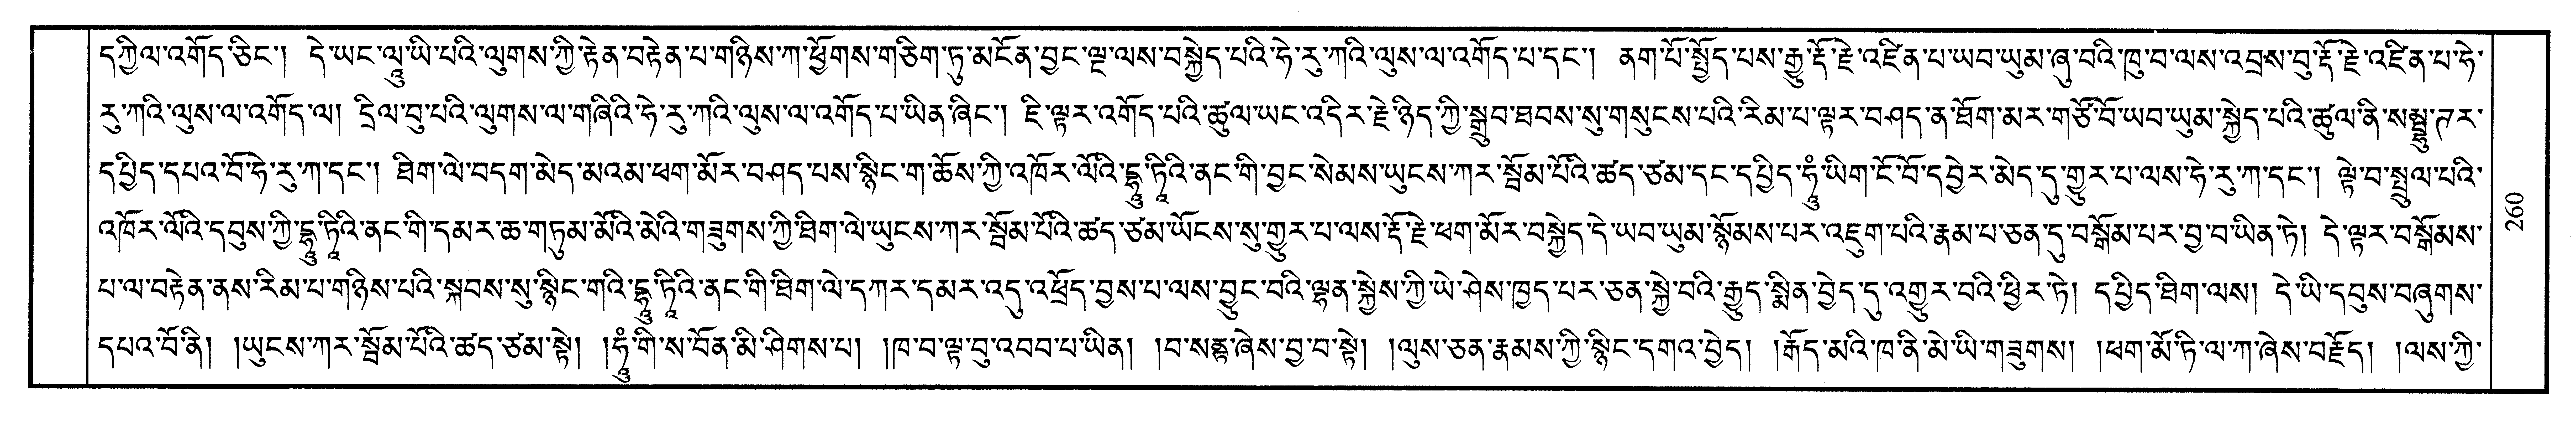དཀྱིལ་འགོད་ཅིང་། དེ་ཡང་ལཱུ་ཡི་པའི་ལུགས་ཀྱི་རྟེན་བརྟེན་པ་གཉིས་ཀ་ཕྱོགས་གཅིག་ཏུ་མངོན་བྱང་ལྔ་ལས་བསྐྱེད་པའི་ཧེ་རུ་ཀའི་ལུས་ལ་འགོད་པ་དང་། ནག་པོ་སྤྱོད་པས་རྒྱུ་རྡོ་རྗེ་འཛིན་པ་ཡབ་ཡུམ་ཞུ་བའི་ཁུ་བ་ལས་འབྲས་བུ་རྡོ་རྗེ་འཛིན་པ་ཧེ་
རུ་ཀའི་ལུས་ལ་འགོད་ལ། དྲིལ་བུ་པའི་ལུགས་ལ་གཞིའི་ཧེ་རུ་ཀའི་ལུས་ལ་འགོད་པ་ཡིན་ཞིང་། ཇི་ལྟར་འགོད་པའི་ཚུལ་ཡང་འདིར་རྗེ་ཉིད་ཀྱི་སྒྲུབ་ཐབས་སུ་གསུངས་པའི་རིམ་པ་ལྟར་བཤད་ན་ཐོག་མར་གཙོ་བོ་ཡབ་ཡུམ་སྐྱེད་པའི་ཚུལ་ནི་སམྦྷུ་ཊར་
དཔྱིད་དཔའ་བོ་ཧེ་རུ་ཀ་དང་། ཐིག་ལེ་བདག་མེད་མའམ་ཕག་མོར་བཤད་པས་སྙིང་ག་ཆོས་ཀྱི་འཁོར་ལོའི་དྷཱུ་ཏཱིའི་ནང་གི་བྱང་སེམས་ཡུངས་ཀར་སྦོམ་པོའི་ཚད་ཙམ་དང་དཔྱིད་ཧཱུཾ་ཡིག་ངོ་བོ་དབྱེར་མེད་དུ་གྱུར་པ་ལས་ཧེ་རུ་ཀ་དང་། ལྟེ་བ་སྤྲུལ་པའི་
འཁོར་ལོའི་དབུས་ཀྱི་དྷཱུ་ཏཱིའི་ནང་གི་དམར་ཆ་གཏུམ་མོའི་མེའི་གཟུགས་ཀྱི་ཐིག་ལེ་ཡུངས་ཀར་སྦོམ་པོའི་ཚད་ཙམ་ཡོངས་སུ་གྱུར་པ་ལས་རྡོ་རྗེ་ཕག་མོར་བསྐྱེད་དེ་ཡབ་ཡུམ་སྙོམས་པར་འཇུག་པའི་རྣམ་པ་ཅན་དུ་བསྒོམ་པར་བྱ་བ་ཡིན་ཏེ། དེ་ལྟར་བསྒོམས་
པ་ལ་བརྟེན་ནས་རིམ་པ་གཉིས་པའི་སྐབས་སུ་སྙིང་གའི་དྷཱུ་ཏཱིའི་ནང་གི་ཐིག་ལེ་དཀར་དམར་འདུ་འཕྲོད་བྱས་པ་ལས་བྱུང་བའི་ལྷན་སྐྱེས་ཀྱི་ཡེ་ཤེས་ཁྱད་པར་ཅན་སྐྱེ་བའི་རྒྱུད་སྨིན་བྱེད་དུ་འགྱུར་བའི་ཕྱིར་ཏེ། དཔྱིད་ཐིག་ལས། དེ་ཡི་དབུས་བཞུགས་
དཔའ་བོ་ནི། །ཡུངས་ཀར་སྦོམ་པོའི་ཚད་ཙམ་སྟེ། །ཧཱུཾ་གི་ས་བོན་མི་ཤིགས་པ། །ཁ་བ་ལྟ་བུ་འབབ་པ་ཡིན། །བ་སནྟ་ཞེས་བྱ་བ་སྟེ། །ལུས་ཅན་རྣམས་ཀྱི་སྙིང་དགའ་བྱེད། །རྒོད་མའི་ཁ་ནི་མེ་ཡི་གཟུགས། །ཕག་མོ་ཏི་ལ་ཀ་ཞེས་བརྗོད། །ལས་ཀྱི་